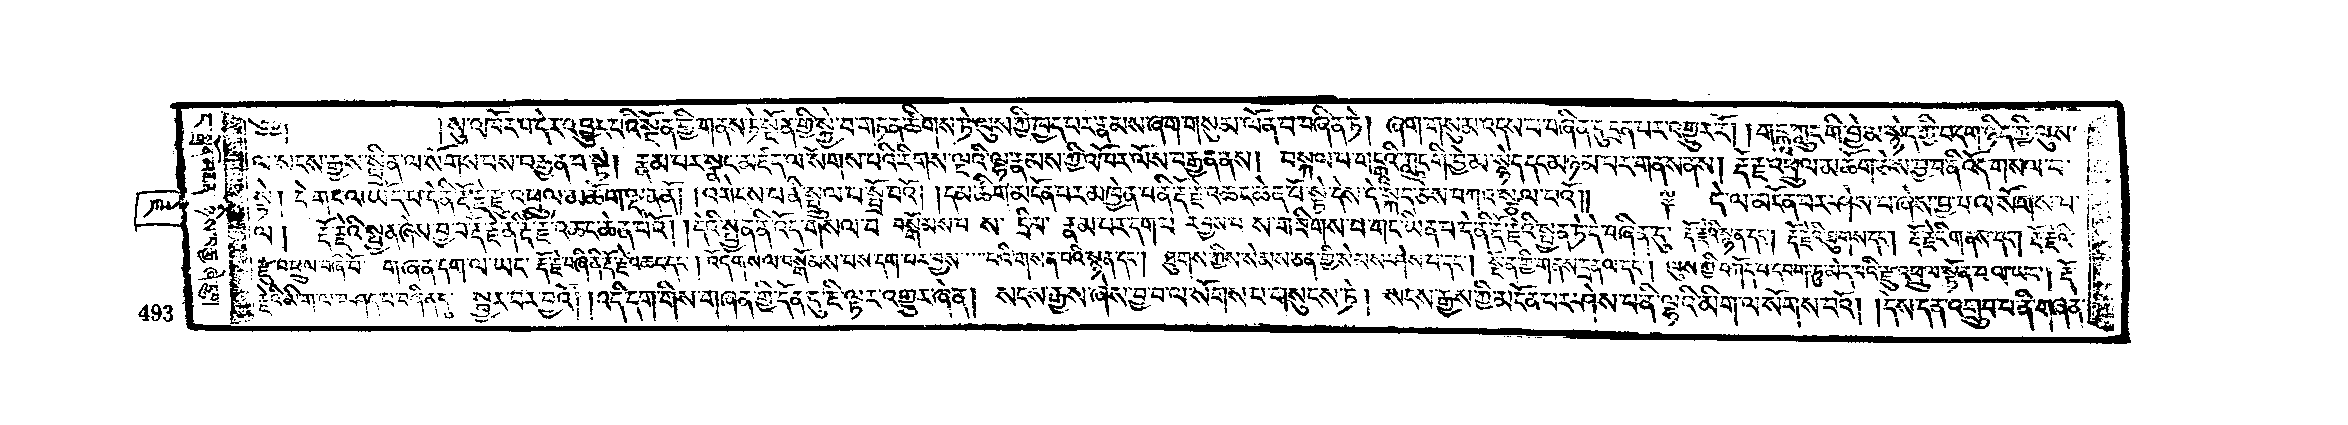༄༅། །སུ་འཁོར་བ་དེར་འབྱུང་བའི་སྔོན་གྱི་གནས་ཏེ་སྔོན་གྱི་སྐྱེ་བ་གཏན་ཚིགས་ཏེ་ལུས་ཀྱི་ཁྱད་པར་རྣམས་ཞག་གསུམ་ལོན་པ་བཞིན་ཏེ། ཞག་གསུམ་འདས་པ་བཞིན་དུ་དྲན་པར་འགྱུར་རོ། །གངྒཱ་ཀླུང་གི་བྱེ་མ་སྙེད་ཀྱི་བདག་ཉིད་ཀྱི་ལུས་
ལ་སངས་རྒྱས་སྤྲིན་ལ་སོགས་པས་བརྒྱན་པ་སྟེ། རྣམ་པར་སྣང་མཛད་ལ་སོགས་པའི་རིགས་ལྔའི་ལྷ་རྣམས་ཀྱི་འཁོར་ལོས་བརྒྱན་ནས། བསྐལ་པ་གངྒཱའི་ཀླུང་གི་བྱེ་མ་སྙེད་དང་མཉམ་པར་གནས་ནས། རྡོ་རྗེ་འཕྲུལ་མཆོག་ཅེས་བྱ་བ་ནི་འོད་གསལ་བ་
སྟེ། དེ་གང་ལ་ཡོད་པ་དེ་ནི་རྡོ་རྗེ་རྫུ་འཕྲུལ་མཆོག་ལྡན་ནོ། །འགེངས་པ་ནི་སྤྲུལ་པ་སྤྲོ་བའོ། །དམ་ཚིག་མངོན་པར་མཁྱེན་པ་ནི་རྡོ་རྗེ་འཆང་ཆེན་པོ་སྟེ་དེས་དེ་སྐད་ཅེས་བཀའ་སྩལ་པའོ།། ༈ དེ་ལ་མངོན་པར་ཤེས་པ་ཞེས་བྱ་བ་ལ་སོགས་པ་
ལ། རྡོ་རྗེའི་སྤྱན་ཞེས་བྱ་བ་རྡོ་རྗེ་ནི་རྡོ་རྗེ་འཆང་ཆེན་པོའོ། །དེའི་སྤྱན་ནི་འོད་གསལ་བ་བསྒོམས་པས་དྲི་མ་རྣམ་པར་དག་པར་བྱས་པས་གཟིགས་པ་གང་ཡིན་པ་དེ་ནི་རྡོ་རྗེའི་སྤྱན་ཏེ་དེ་བཞིན་དུ་རྡོ་རྗེའི་སྙན་དང་། རྡོ་རྗེའི་ཐུགས་དང་། རྡོ་རྗེའི་གནས་དང་། རྡོ་རྗེའི་
རྫུ་འཕྲུལ་བཞི་པོ་གཞན་དག་ལ་ཡང་རྡོ་རྗེ་བཞི་ནི་རྡོ་རྗེ་འཆང་དང་། འོད་གསལ་བསྒོམས་པས་དག་པར་བྱས་པའི་གསན་པའི་སྙན་དང་། ཐུགས་ཀྱིས་སེམས་ཅན་གྱི་སེམས་ཤེས་པ་དང་། སྔོན་གྱི་གནས་དྲན་པ་དང་། ལུས་ཀྱི་བཀོད་པ་དཔག་ཏུ་མེད་པའི་རྫུ་འཕྲུལ་སྟོན་པ་ལ་ཡང་། རྡོ་
རྗེའི་མིག་ལ་བཤད་པ་བཞིན་དུ་སྦྱར་བར་བྱའོ། །འདི་དག་གིས་གཞན་གྱི་དོན་དུ་ཇི་ལྟར་འགྱུར་ཞེ་ན། སངས་རྒྱས་ཞེས་བྱ་བ་ལ་སོགས་པ་གསུངས་ཏེ། སངས་རྒྱས་ཀྱི་མངོན་པར་ཤེས་པ་ནི་ལྷའི་མིག་ལ་སོགས་པའོ། །དེས་དོན་འགྲུབ་པ་ནི་གཞན་